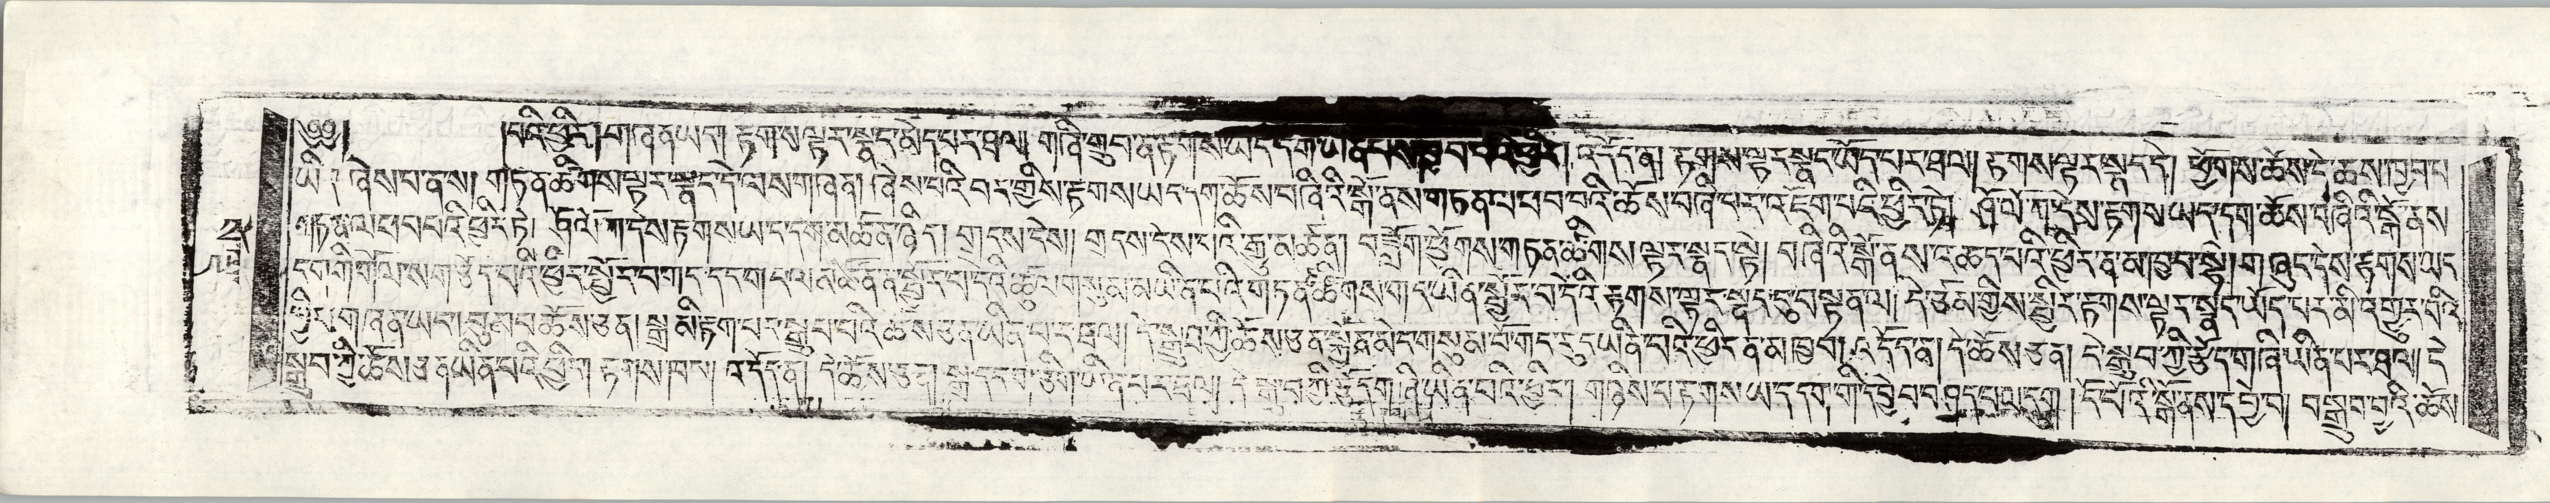༄༅། །པའི་ཕྱིར། གཞན་ཡང་། རྟགས་ལྟར་སྣང་མེད་པར་ཐལ། གཞི་གྲུབ་ན་རྟགས་ཡང་དག་ཡིན་པས་ཁྱབ་པའི་ཕྱིར། འདོད་ན། རྟགས་ལྟར་སྣང་ཡོད་པར་ཐལ། རྟགས་ལྟར་སྣང་དེ། ཕྱོགས་ཆོས་དེ་ཆས་ཁྱབ་པ་
ཡི། །ཞེས་པ་ནས། གཏན་ཚིགས་ལྟར་སྣང་དེ་ལས་གཞན། ཞེས་པའི་བར་གྱིས་རྟགས་ཡང་དག་ཆོས་བཞིའི་སྒོ་ནས་གཏན་ལ་ཕབ་པའི་ཆོས་བཞི་བར་འཇོག་པའི་ཕྱིར་ཏེ། ཤོ་ལོ་ཀ་དེས་རྟགས་ཡང་དག་ཆོས་བཞིའི་སྒོ་ནས་
གཏན་ལ་ཕབ་པའི་ཕྱིར་ཏེ། ཤོ་ལོ་ཀ་དེས་རྟགས་ཡང་དག་མཚན་ཉིད། གྲངས་ངེས། གྲངས་ངེས་པའི་རྒྱུ་མཚན། ཟློག་ཕྱོགས་གཏན་ཚིགས་ལྟར་སྣང་སྟེ། བཞིའི་སྒོ་ནས་འཆད་པའི་ཕྱིར་ན་མ་ཁྱབ་སྟེ། གཞུང་དེས་རྟགས་ཡང་
དག་གི་གོལ་ས་གཅོད་པའི་ཕྱིར་སྦྱོར་བ་གང་དང་གང་ལ་མཚོན་ན་སྦྱོར་བ་དེའི་ཚུལ་གསུམ་མ་ཡིན་པའི་གཏན་ཚིགས་གང་ཡིན་སྦྱོར་བ་དེའི་རྟགས་ལྟར་སྣང་དུ་བསྟན་ལ། དེ་ཙམ་གྱིས་སྤྱིར་རྟགས་ལྟར་སྣང་ཡོད་པར་མི་འགྱུར་བའི་
ཕྱིར། གཞན་ཡང་། བུམ་པ་ཆོས་ཅན། སྒྲ་མི་རྟག་པར་སྒྲུབ་པའི་ཆོས་ཅན་ཡིན་པར་ཐལ། དེ་སྒྲུབ་ཀྱི་ཆོས་ཅན་སྐྱོན་མེད་གསུམ་པོ་གང་རུང་ཡིན་པའི་ཕྱིར་ན་མ་ཁྱབ། འདོད་ན། དེ་ཆོས་ཅན། དེ་སྒྲུབ་ཀྱི་རྩོད་གཞི་ཡིན་པར་ཐལ། དེ་
སྒྲུབ་ཀྱི་ཆོས་ཅན་ཡིན་པའི་ཕྱིར་རྟགས་ཁས། འདོད་ན། དེ་ཆོས་ཅན། སྒྲ་དང་གཅིག་ཡིན་པར་ཐལ། དེ་སྒྲུབ་ཀྱི་རྩོད་གཞི་ཡིན་པའི་ཕྱིར། གཉིས་པ་རྟགས་ཡང་དག་གི་དབྱེ་བ་བཤད་པ་ལ་དྲུག །ངོ་བོའི་སྒོ་ནས་དབྱེ་བ། བསྒྲུབ་བྱའི་ཆོས་